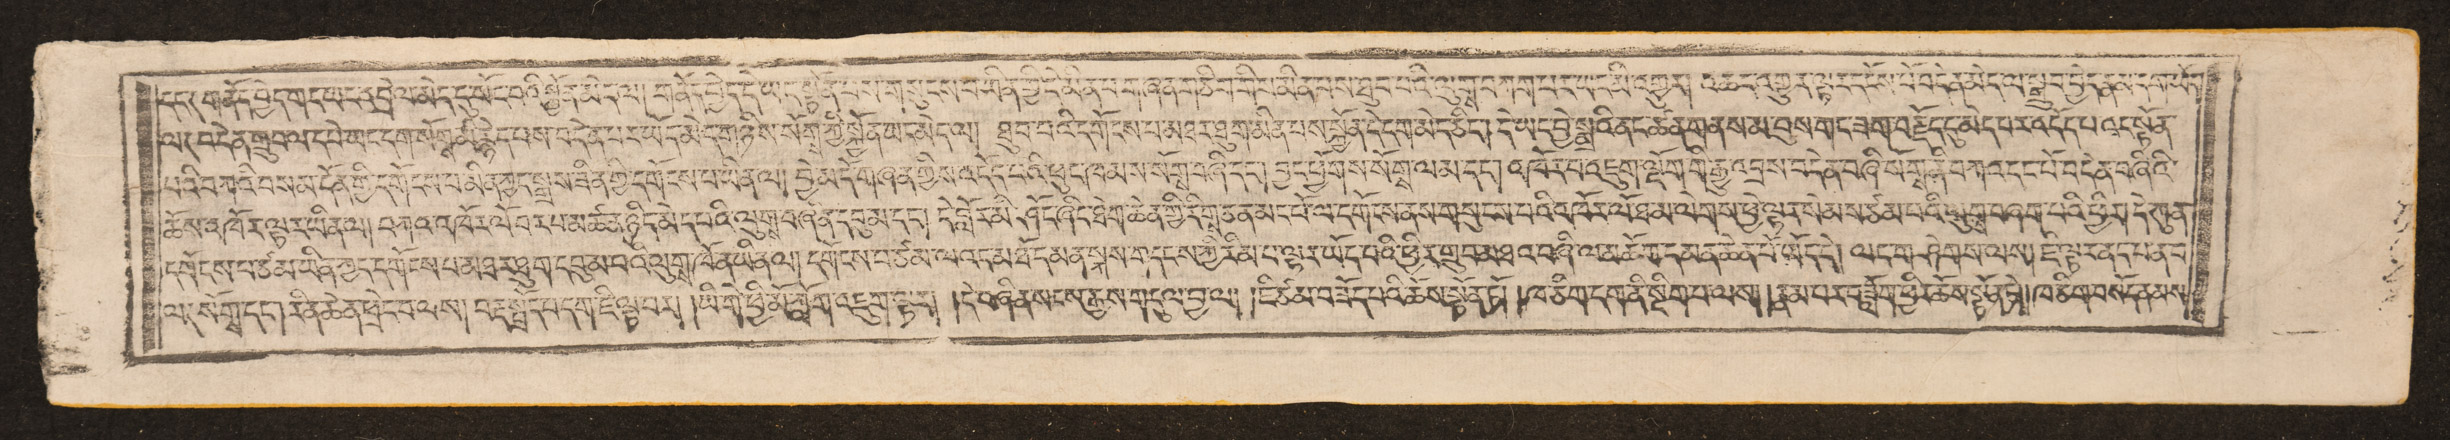དང༑ གནོད་བྱེད་གང་ཡང་འབྲེལ་མེད་དུ་སོང་བའི་སྐྱོན་མེད་ལ། གནོད་བྱེད་དེ་ཡང་སྟོན་པས་གསུངས་པ་ཡིན་གྱི་དེ་མིན་པ་གཞན་གཅིག་གིས་མིན་པས་ཐུབ་པའི་ལུགས་བཀག་པར་ཡང་མི་འགྱུར། འཆད་འགྱུར་ལྟར་དངོས་པོ་བདེན་མེད་ལ་སྒྲུབ་བྱེད་རྣམ་དག་ཡོད་
ལ༑ བདེན་གྲུབ་ལ་དཔེ་ཡང་དག་སོགས་མི་རྙེད་པས་བདེན་པར་ཡོད་མེད་གཉིས་སོགས་ཀྱི་སྐྱོན་ཡང་མེད་ལ། ཐུབ་པའི་དགོངས་པ་མཐར་ཐུག་མིན་པས་སྐྱོན་དེ་དག་མེད་ཅིང་། དེ་ཡང་བྱེ་སྨྲའི་ནང་ཚན་གནས་མ་བུས་གང་ཟག་བརྗོད་དུ་མེད་པར་འདོད་པའང་སྟོན་
པའི་བཀའི་བསམ་དོན་གྱི་དགོངས་པ་མིན་ཀྱང་སྒྲས་ཟིན་གྱི་དགོངས་པ་ཡིན་ལ། བྱེ་མདོ་གཞན་གྱིས་འདོད་པའི་ཕུང་ཁམས་སོགས་བཞི་དང་། བྱང་ཕྱོགས་སོགས་ལམ་དང་། འཁོར་བ་འཇུག་ལྡོག་གི་རྒྱུ་འབྲས་བདེན་བཞི་སོགས་ནི་བཀའ་དང་པོ་བདེན་བཞིའི་
ཆོས་འཁོར་ལྟར་ཡིན་ལ། བཀའ་འཁོར་ལོ་བར་པ་མཚན་ཉིད་མེད་པའི་ལུགས་བཞིན་དབུ་མ་དང་། དེ་བློར་མི་ཤོང་ཞིང་ཐེག་ཆེན་གྱི་རིགས་ཅན་མང་པོ་ལ་དགོངས་ནས་གསུངས་པའི་འཁོར་ལོ་ཐ་མ་ལེགས་ཕྱེ་ལྟར་སེམས་ཙམ་པའི་ལུགས་བཞག་པའི་ཕྱིར། དེ་ཀུན་
དགོངས་པ་ཙམ་ཡིན་ཀྱང་དགོངས་པ་མཐར་ཐུག་དབུ་མ་པའི་ལུགས་ཁོ་ན་ཡིན་ལ། དགོངས་པ་ཙམ་ལའང་མཐོ་དམན་སྐས་གདངས་ཀྱི་རིམ་པ་ལྟར་ཡོད་པའི་ཕྱིར་གྲུབ་མཐའ་བཞི་ལ་མཆོག་དམན་ཆེན་པོ་ཡོད་དེ། ལང་གཤེགས་ལས། ཇི་ལྟར་ནང་པ་ན་བ་
ལ༑ སོགས་དང་། རིན་ཆེན་ཕྲེང་བ་ལས། བརྡ་སྤྲོད་པ་དག་ཇི་ལྟ་བར། །ཡི་གེ་ཕྱི་མོ་ཀློག་འཇུག་ལྟར། །དེ་བཞིན་སངས་རྒྱས་གདུལ་བྱ་ལ། །ཇི་ཙམ་བཟོད་པའི་ཆོས་སྟོན་ཏོ། །ཁ་ཅིག་དག་ནི་སྡིག་པ་ལས། །རྣམ་པར་བཟློག་ཕྱིར་ཆོས་སྟོན་ཏེ། ཁ་ཅིག་བསོད་ནམས་